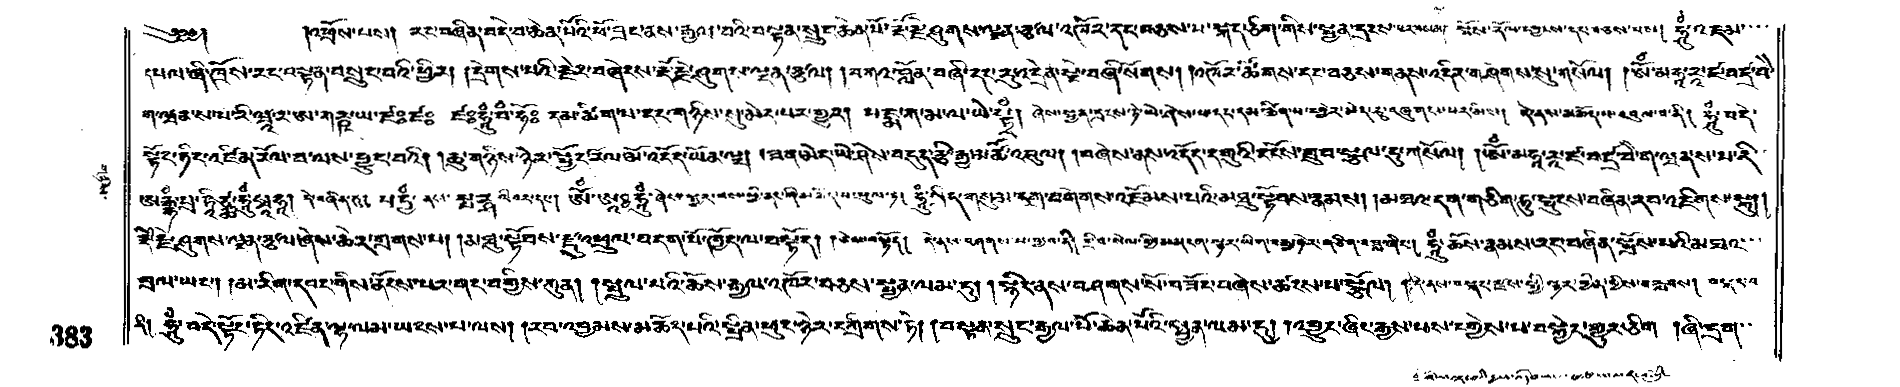༄༅༅། །འཕྲོས་པས། རང་བཞིན་བདེ་བ་ཆེན་པོའི་ཕོ་བྲང་ནས་རྒྱལ་བའི་བསྟན་སྲུང་ཆེན་པོ་རྡོ་རྗེ་ཤུགས་ལྡན་རྩལ་འཁོར་དང་བཅས་པ་སྐད་ཅིག་གིས་སྤྱན་དྲངས་པར་བསམ་ལ། སྤོས་རོལ་དབྱངས་དང་བཅས་པས། ཧཱུཾ་འཇམ་
དཔལ་ཞི་ཁྲོས་རང་བསྟན་བསྲུང་བའི་ཕྱིར། །དྲེགས་པའི་རྗེར་བཞེངས་རྡོ་རྗེ་ཤུགས་ལྡན་རྩལ། །བཀའ་བློན་བཞི་དང་རུ་འདྲེན་སྡེ་བཞི་སོགས། །འཁོར་ཚོགས་དང་བཅས་གནས་འདིར་གཤེགས་སུ་གསོལ། །ཨོཾ་མ་ཧཱ་རཱ་ཛ་བཛྲ་བཻ་
ག་ཝན་ས་པ་རི་ཝཱ་ར་ཨ་ཀརྵ་ཡ་ཛཿ ཛཿ ཛཿ ཧཱུཾ་བཾ་ཧོ་དམ་ཚིག་པ་དང་གཉིས་སུ་མེད་པར་གྱུར། པདམ་ཀ་མ་ལ་ཡེ་སྟྭཾ། ཞེས་སྤྱན་དྲངས་ཏེ་ཡེ་ཤེས་པ་དང་དམ་ཚིག་པ་འབྱེར་མེད་ཅུ་བཞུགས་པར་མོས།  དེ་ནས་མཆོད་པ་འབུལ་བ་ནི། ཧཱུཾ་བདེ་
སྟོང་ཏིང་འཛི་བ་ལས་བྱུང་བའི། །ཆུ་གཉིས་ཉེར་སྤྱོད་རོལ་མོ་འདོད་ཡོན་ལྔ། །ཟན་མེད་ཡེ་ཤེས་བདུད་རྩི་རྒྱ་མཚོ་འབུལ། །ཞེས་ནས་འདོད་དགུའི་དངོས་གྲུབ་སྩལ་དུ་གསོལ། །ཨོཾ་མཧཱ་རཱ་ཛ་བཛྲ་བཻ་ག་ཝ་ན་ས་པ་རི་
ཨརྒྷཾ་པྲ་ཏཱིཙྪ་ཧཱུཾ་སྭཱཧཱ། དེ་བཞིན་ཏུ་པདྱཾ་ནས་སྤརྴ་འི་བར་དང་།  ཨོཾ་ཨཱཿ ཧཱུཾ་ཞེས་སྦྱར་བས་ཕྱི་ནང་ཞི་མཆོད་པ་ཕུལ་ཏ། ཧཱུཾ་སྲིད་གསུམ་དགྲ་བགེགས་འཇོམས་པའི་མཐུ་སྟོབས་རྣམས། །མཐའ་དག་གཅིག་ཏུ་སྤུངས་བཞིན་རབ་འཇིགས་སྐུ། །
རྡོ་རྗེ་ཤུགས་ལྡན་རྩལ་ཞེས་ཆེར་གྲགས་པ། །མཐུ་སྟོབས་རྫུ་འཕྲུལ་བདག་པོ་ཁྱོད་ལ་བསྟོད། །ཅེས་བསྟོད། དེ་ནས་འགག་པ་བྱ་བ་ནི། གྲིབ་སེལ་ཕྱི་མ་ངག་ལྟར་ཡིག་བརྒྱ་ཉེར་གཅིག་བཟླ་ཞིང་།  ཧཱུཾ་ཆོས་རྣམས་རང་བཞིན་སྤྲོས་པའི་མཐའ་
བྲལ་ཡང་། །མ་རིག་དབང་གིས་ནོངས་པར་གང་བགྱིས་ཀུན། །སྤྲུལ་པའི་ཆོས་རྒྱལ་འཁོར་བཅས་སྤྱན་ལམ་དུ། །སྙིང་ནས་བཤགས་སོ་བཟོང་བཞེས་ཚངས་པ་སྩོལ། །དེ་ནས་བསྐང་རྫས་སྤྱི་ལྟར་བྱིན་གྱིས་བརླབས། བསྐལ་བ་
ནི། ཧཱུཾ་བདེ་སྟོང་ཏིང་འཛིན་ལྷ་ལམ་ཡངས་པ་ལས། །རབ་འབྱམས་མཆོད་པའི་སྤྲིན་ཕུང་ཉེར་དཀྲིགས་ཏེ། །བསྟན་སྲུང་རྒྱལ་པོ་ཆེན་པོའི་སྤྱན་ལམ་དུ། །འབྱུང་ཞིང་རྒྱས་པས་དགྱེས་པ་བསྐྱེད་གྱུར་ཅིག །ཞི་དྲག་